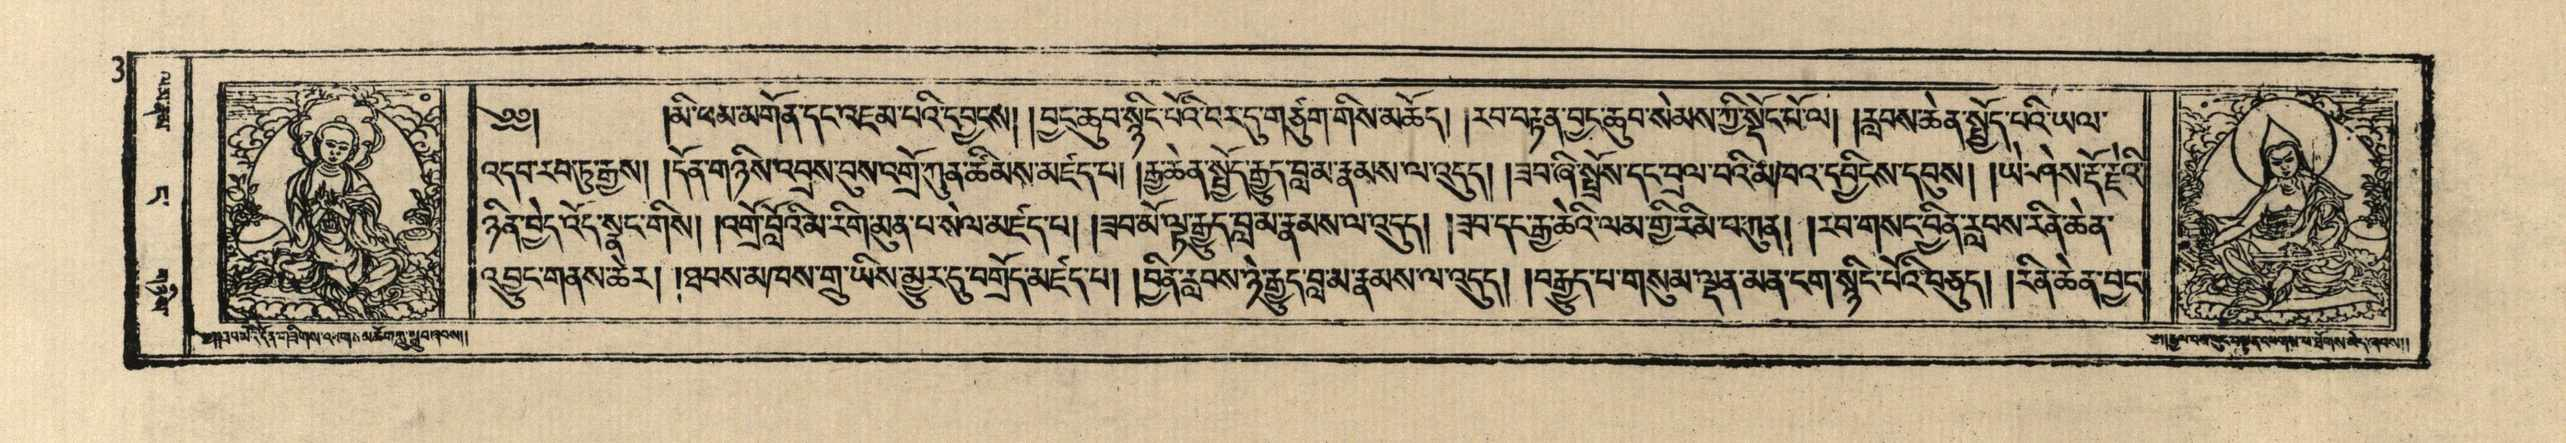༄༅། །མི་ཕམ་མགོན་དང་འཇམ་པའི་དབྱངས། །བྱང་ཆུབ་སྙིང་པོའི་བར་དུ་གཙུག་གིས་མཆོད། །རབ་བརྟན་བྱང་ཆུབ་སེམས་ཀྱི་སྡོང་པོ་ལ། །རླབས་ཆེན་སྤྱོད་པའི་ཡལ་
འདབ་རབ་ཏུ་རྒྱས། །དོན་གཉིས་འབྲས་བུས་འགྲོ་ཀུན་ཚིམས་མཛད་པ། །རྒྱ་ཆེན་སྤྱོད་རྒྱུད་བླ་མ་རྣམས་ལ་འདུད། །ཟབ་ཞི་སྤྲོས་དང་བྲལ་བའི་མཁའ་དབྱིངས་དབུས། །ཡེ་ཤེས་རྡོ་རྗེའི་
ཉིན་བྱེད་འོད་སྣང་གིས། །འགྲོ་བློའི་མ་རིག་མུན་པ་སེལ་མཛད་པ། །ཟབ་མོ་ལྟ་རྒྱུད་བླ་མ་རྣམས་ལ་འདུད། །ཟབ་དང་རྒྱ་ཆེའི་ལམ་གྱི་རིམ་པ་ཀུན། །རབ་གསང་བྱིན་རླབས་རིན་ཆེན་
འབྱུང་གནས་ཆེར། །ཐབས་མཁས་གྲུ་ཡིས་མྱུར་དུ་བགྲོད་མཛད་པ། །བྱིན་རླབས་ཉེ་རྒྱུད་བླ་མ་རྣམས་ལ་འདུད། །བརྒྱུད་པ་གསུམ་ལྡན་མན་ངག་སྙིང་པོའི་བཅུད། །རིན་ཆེན་བྱང་